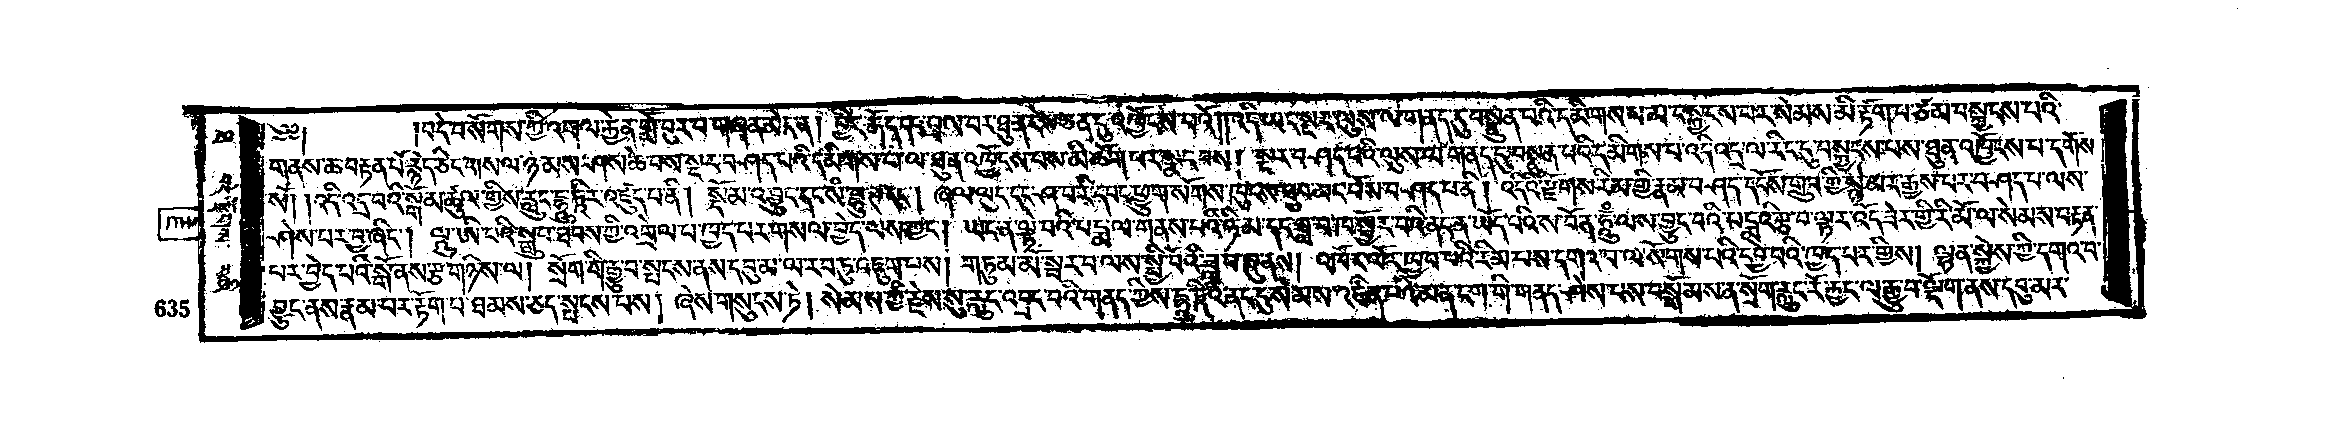༄༅། །བདེ་བ་སོགས་ཀྱི་འགལ་རྐྱེན་གློ་བུར་བ་གཞན་མེད་ན། བྱིང་རྒོད་དང་བྲལ་བར་ཐུན་ངེས་ཅན་དུ་འཁྱོངས་པའོ། །འདི་ཡང་སྔར་ལུས་ལ་གནད་དུ་བསྣུན་པའི་དམིགས་པ་མ་བསྐྱངས་པར་སེམས་མི་རྟོག་པ་ཙམ་བསྐྱངས་པའི་
གནས་ཆ་བརྟན་པོ་རྙེད་ཅིང་གསལ་ཉམས་ཤས་ཆེ་བས་སྔར་བཤད་པའི་དམིགས་པ་ལ་ཐུན་འཁྱོངས་པས་མི་ཆོག་པར་སྣང་བས། སྔར་བཤད་པའི་ལུས་ལ་གནད་དུ་བསྣུན་པའི་དམིགས་པ་འདི་འདྲ་ལ་རིང་དུ་བསྐྱངས་པས་ཐུན་འཁྱོངས་པ་དགོས་
སོ། །འདི་འདྲ་བའི་སྒོམ་ཚུལ་གྱིས་རླུང་དྷཱུ་ཏཱིར་འཛུད་པ་ནི། སྡོམ་འབྱུང་དང་སཾ་བྷུ་ཊ་དང་། ཞལ་ལུང་དང་ཤ་བ་རི་དབང་ཕྱུག་སོགས་ཁུངས་ཐུབ་མང་པོས་བཤད་པ་ནི། འདིའི་རྫོགས་རིམ་གྱི་རྣམ་བཤད་དངོས་གྲུབ་ཀྱི་སྙེ་མར་རྒྱས་པར་བཤད་པ་ལས་
ཤེས་པར་བྱ་ཞིང་། ལཱུ་ཨི་པའི་སྒྲུབ་ཐབས་ཀྱི་འགྲེལ་པ་ཁྱད་པར་གསལ་བྱེད་ལས་ཀྱང་། ཡང་ན་ལྟེ་བའི་པདམ་ལ་གནས་པའི་ཉི་མ་དང་ཟླ་བ་ཁ་སྦྱོར་བའི་ནང་ན་ཡོད་པའི་ས་བོན་ཧཱུཾ་ལས་བྱུང་བའི་པདམའི་རྩ་བ་ལྟར་འོད་ཟེར་གྱི་རི་མོ་ལ་སེམས་བརྟན་
པར་བྱེད་པའི་སྒོ་ནས་རྩ་གཉིས་ལ། སྲོག་གི་རྒྱུ་བ་སྤངས་ནས་དབུ་མ་ལ་རབ་ཏུ་འཇུག་པས། གཏུམ་མོ་སྦར་བ་ལས་སྤྱི་བོའི་ཟླ་བ་ཞུ་ནས། འཁོར་ལོར་ཁྱབ་པའི་རིམ་པས་དགའ་བ་ལ་སོགས་པའི་དབྱེ་བའི་ཁྱད་པར་གྱིས། ལྷན་སྐྱེས་ཀྱི་དགའ་བ་
བྱུང་ནས་རྣམ་པར་རྟོག་པ་ཐམས་ཅད་སྤངས་པས། ཞེས་གསུངས་ཏེ། སེམས་ཀྱི་རྗེས་སུ་རླུང་འབྲང་བའི་གནད་ཀྱིས་དྷཱུ་ཏཱིའི་ནང་དུ་སེམས་འཛིན་པའི་མན་ངག་གི་གནད་ཤེས་པས་བསྒོམས་ན་སྲོག་རླུང་རོ་རྐྱང་ལ་རྒྱུ་བ་ལྡོག་ནས་དབུ་མར་